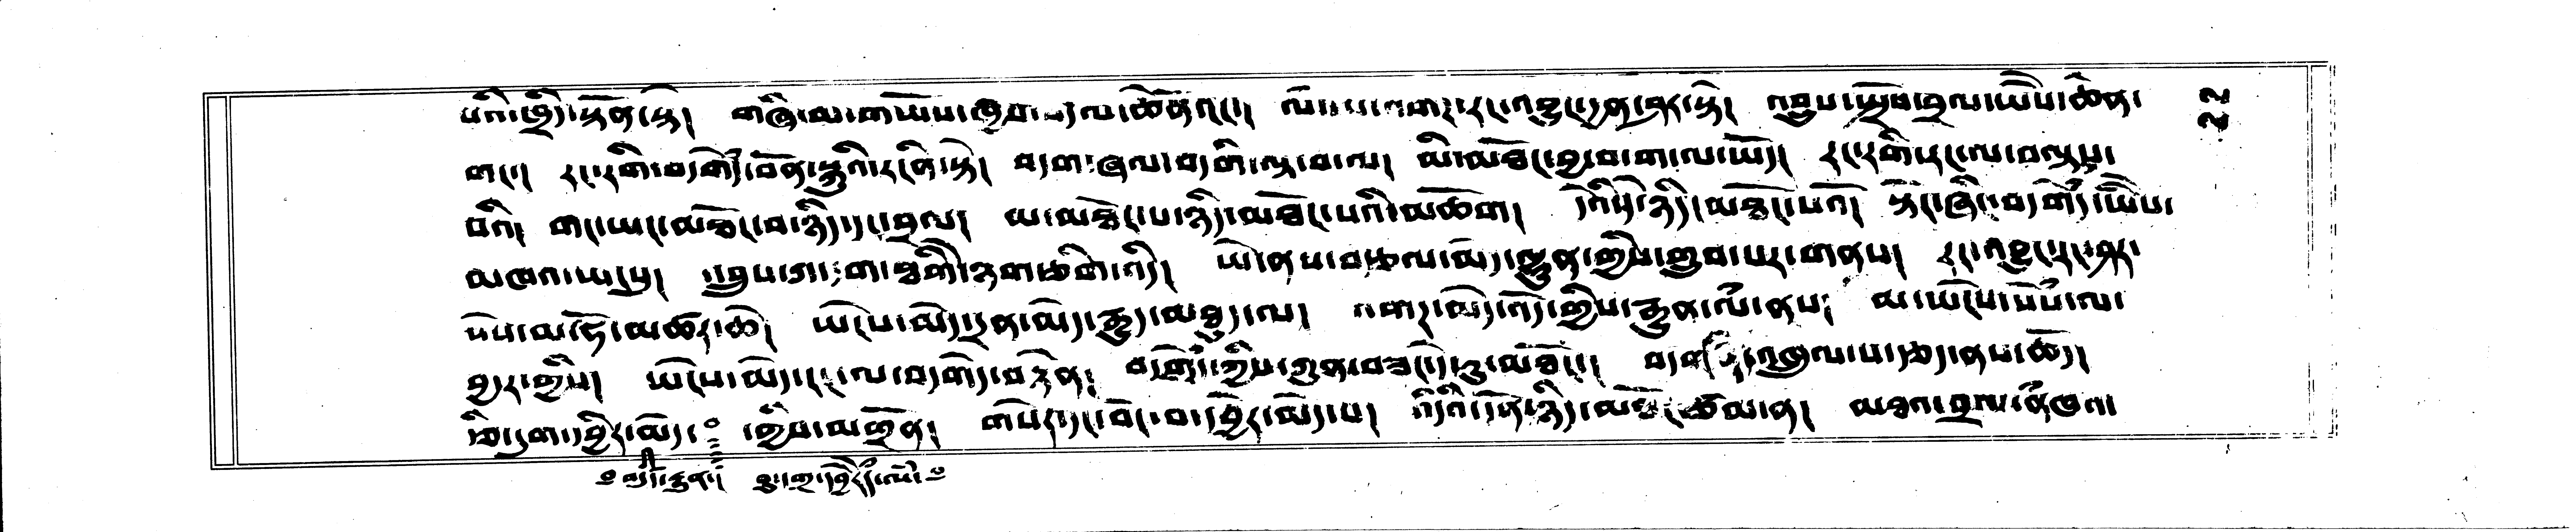བའི་ཁྲིད་སྟོན་ཏེ། གཞི་མ་གཡོས་ཁྱབ་བདལ་ཆེན་པོའི་ངང་། ལམ་མ་འགག་རང་བྱུང་རྒྱན་ཤར་སྟེ། འབྲས་བུ་སྤྲོས་བྲལ་ཡེ་ཤེས་ཆེན་
གང་། རང་རིག་བདག་མེད་བོན་སྐུའི་རང་བཞིན་ཏེ། བདག་ཞལ་བདག་གིས་བལྟ་བ་ལ། མི་མཐོང་བྱ་བ་ག་ལ་ཡོད། རང་རིག་རང་ལ་བལྟས་
པ་ཡི། གང་ཡང་མཐོང་བ་ཉིད་དང་བྲལ། མ་མཐོང་བ་ཉིད་མཐོང་བའི་མཆོག དེའི་དེ་ཉིད་མཐོང་བའོ། །སྟོང་ཞིང་བདག་མེད་ཡེ་ཤེས་
མཁའ་ཡངས་སུ། འབྲས་བུ་ཀ་དག་ཐིག་ལེ་ཉག་ཅིག་འདི། ཡེ་ནས་བརྩལ་མེད་ལྷུན་གྱིས་གྲུབ་པར་གནས། རང་འབྱུང་རང་ཤར་
ཨེ་མ་ངོ་མཚར་ཆེ། ཡེངས་མེད་དྲན་མེད་རྒྱུན་མཐུད་ལ། འགགས་མེད་འོད་ཀྱི་རྒྱུན་ལམ་ནས། མ་ཡེངས་སེམས་ལ་
བྱ་ར་གྱིས། ཡེངས་མེད་ངང་ལ་བདག་མེད་བརྟེན། བདག་མེད་ཀྱི་ཀུན་བཟང་དེ་རུ་མཐོང་། བདག་འཛིན་འཁྲུལ་པ་རྩད་ནས་ཆོད། 
རྩི་དུག་དབྱེར་མེད་བདུད་རྩི་རྒྱུན། བུ་དགྲ་དབྱེར་མེད་ལམ་གྱིས་མགྲོན། གསེར་དང་བོང་བ་དབྱེར་མེད་པ། འདིའི་དོན་ཉིད་མཐོང་ཙམ་ན། མཐའ་བྲལ་ནམ་མཁའ་